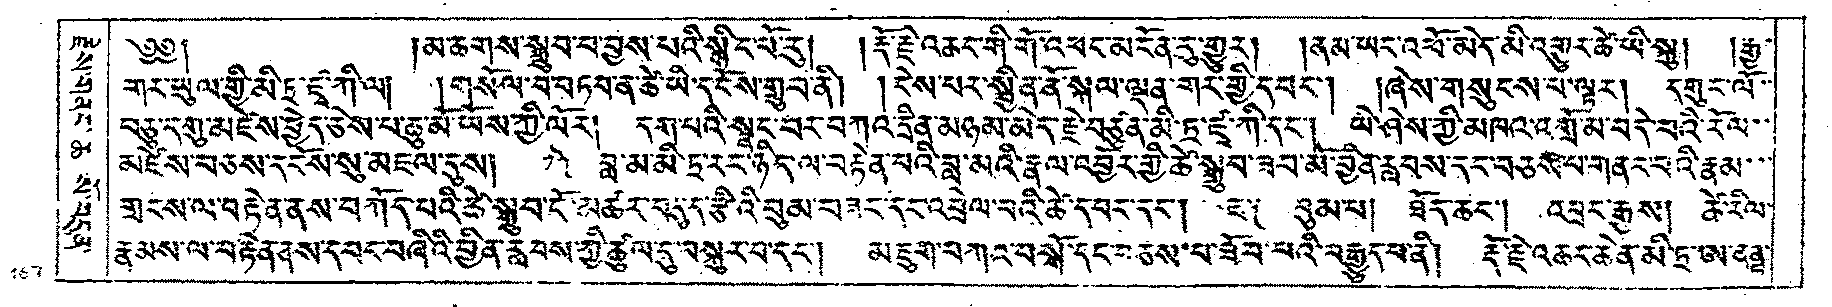༄༅། །མ་ཆགས་སྒྲུབ་པ་བྱས་པའི་སྙིང་པོ་རུ། །རྡོ་རྗེ་འཆང་གི་གོ་འཕང་མངོན་དུ་གྱུར། །ནམ་ཡང་འཕོ་མེད་མི་འགྱུར་ཚེ་ཡི་སྐུ། །རྒྱ་
གར་ཡུལ་གྱི་མི་ཏྲ་ཛྭ་ཀི་ལ། །གསོལ་བ་བཏབ་ན་ཚེ་ཡི་དངོས་གྲུབ་ནི། །ངེས་པར་སྦྱིན་ནོ་སྐལ་ལྡན་གར་གྱི་དབང་། །ཞེས་གསུངས་པ་ལྟར། དགུང་ལོ་
བཅུ་དགུ་མཛེས་བྱེད་ཅེས་པ་ཆུ་མོ་ཡོས་ཀྱི་ལོར། དག་པའི་སྣང་བར་བཀའ་དྲིན་མཉམ་མེད་རྗེ་བཙུན་མི་ཏྲ་ཛྲ་ཀི་དང་། ཡེ་ཤེས་ཀྱི་མཁའ་འགྲོ་མ་བདེ་བའི་རོལ་
མཛེས་བཅས་དངོས་སུ་མཇལ་དུས། ༡?་བླ་མ་མི་ཏྲ་རང་ཉིད་ལ་བརྟེན་པའི་བླ་མའི་རྣལ་འབྱོར་གྱི་ཚེ་སྒྲུབ་ཟབ་མོ་བྱིན་རླབས་དང་བཅས་པ་གནང་བའི་རྣམ་
གྲངས་ལ་བརྟེན་ནས་བཀོད་པའི་ཚེ་སྒྲུབ་ངོ་མཚར་བདུད་རྩིའི་བུམ་བཟང་དང་འབྲེལ་བའི་ཚེ་དབང་དང་། ཇ༑ བུམ་པ། ཐོད་ཆང་། འབྲང་རྒྱས། ཚེ་རིལ་
རྣམས་ལ་བརྟེན་ནས་དབང་བཞིའི་བྱིན་རླབས་ཀྱི་ཚུལ་དུ་བསྐུར་བ་དང་། མཇུག་བཀའ་བསྒོ་དང་བཅས་པ་ཐོབ་པའི་བརྒྱུད་པ་ནི། རྡོ་རྗེ་འཆང་ཆེན་མི་ཏྲ་ཨ་ནནྟ་